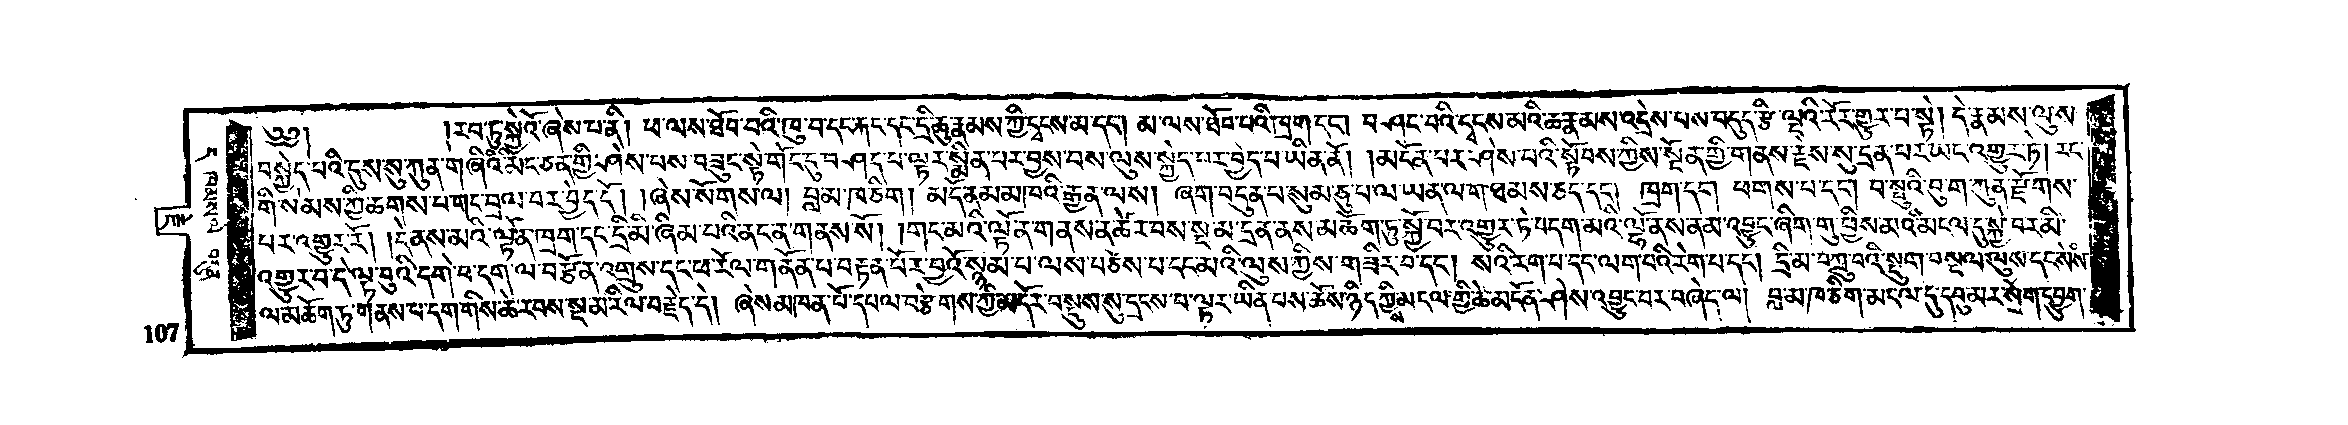༄༅། །རབ་ཏུ་སྐྱེའོ་ཞེས་པ་ནི། ཕ་ལས་ཐོབ་པའི་ཁུ་བ་དང་རྐང་དང་དྲི་ཆུ་རྣམས་ཀྱི་དྭངས་མ་དང་། མ་ལས་ཐོབ་པའི་ཁྲག་དང་། བཤད་པའི་དྭངས་མའི་ཆ་རྣམས་འདྲེས་པས་བདུད་རྩི་ལྔའི་རོར་གྱུར་པ་སྟེ། དེ་རྣམས་ལུས་
བསྐྱེད་པའི་དུས་སུ་ཀུན་གཞིའི་མིང་ཅན་གྱི་ཤེས་པས་བཟུང་སྟེ་གོང་དུ་བཤད་པ་ལྟར་སྨིན་པར་བྱས་པས་ལུས་སྐྱེད་པར་བྱེད་པ་ཡིན་ནོ། །མངོན་པར་ཤེས་པའི་སྟོབས་ཀྱིས་སྔོན་གྱི་གནས་རྗེས་སུ་དྲན་པར་ཡང་འགྱུར་ཏེ། རང་
གི་སེམས་ཀྱི་ཆགས་པ་གང་བྲལ་བར་བྱེད་དོ། །ཞེས་སོགས་ལ། བླ་མ་ཁ་ཅིག །མདོ་ནམ་མཁའི་རྒྱན་ལས། ཞག་བདུན་པ་སུམ་ཅུ་པ་ལ་ཡན་ལག་ཐམས་ཅད་དང་། ཁྲག་དང་། ཕགས་པ་དང་། བ་སྤུའི་བུ་ག་ཀུན་རྫོགས་
པར་འགྱུར་རོ། །དེ་ནས་མའི་ལྟོ་ན་ཁྲག་དང་དྲི་མི་ཞིམ་པའི་ནང་ན་གནས་སོ། །གང་མའི་ལྟོ་ན་གནས་ན་ཚེར་བས་སྔ་མ་དྲན་ནས་མཆོག་ཏུ་སྐྱོ་བར་འགྱུར་ཏེ་བདག་མའི་ལྷོ་ནས་ནམ་འབྱུང་ཞིག་གུ་ཕྱིས་མའི་མངལ་དུ་སྐྱེ་བར་མི་
འགྱུར་བ་དེ་ལྟ་བུའི་དགེ་བ་དག་ལ་བརྩོན་འགྲུས་དང་ཕ་རོལ་གནོན་པ་བརྟན་པོར་བྱའོ་སྙམ་པ་ལས་བཙེས་པ་དང་མའི་ལུས་ཀྱིས་གཟིར་བ་དང་། སའི་རག་པ་དང་ལག་པའི་རེག་པ་དང་། དྲི་མ་བཀྲུ་བའི་སྡུག་བསྔལ་ལུས་དང་སེམས་
ལ་མཆོག་ཏུ་གནས་པ་དག་གིས་ཚེ་རབས་སྔ་མ་རིལ་བརྗེད་དེ། ཞེས་མཁན་པོ་དཔལ་བརྩེགས་ཀྱི་མདོར་བསྡུས་སུ་དྲངས་པ་ལྟར་ཡིན་པས་ཆོས་ཉིད་ཀྱིས་མངལ་གྱི་ཚེ་མངོན་ཤེས་འབྱུང་བར་བཞེད་ལ། བླ་མ་ཁ་ཅིག་མངལ་དུ་དབུ་མར་སྲོག་དབྱུག་